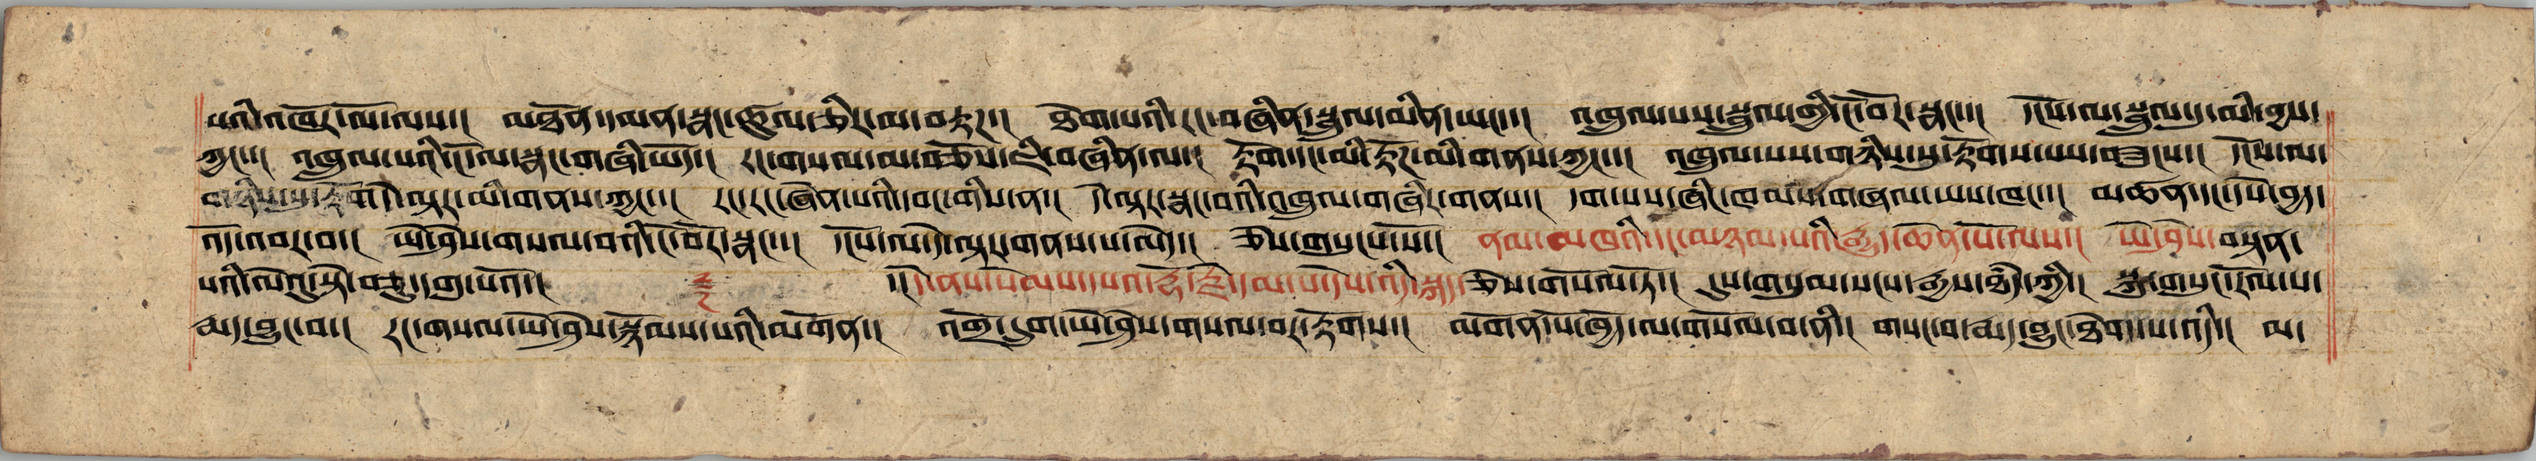པའི་འཁོར་ལོ་ལས་། མཐོན་དམན་སྣང་ཚུལ་ཅིར་མ་བརྟཌ་། ཐེག་པའི་རང་བཞིན་སྦྲུལ་མིན་ཡང་་། འཁྲུལ་པས་སྦྲུལ་གྱི་ངོ་བོར་སྣང་་། དངོས་མ་སྦྲུལ་དུ་མི་ནྱས་
ཀྱང་་། འཁྲུལ་པའི་ངོ་ལ་སྣང་གཞི་ཡོད་། རང་གསལ་མ་བཅོས་ཇི་བཞིན་ལ་། རྟོག་དང་མི་རྟོཌ་མི་གནས་ཀྱང་་། འཁྲུལ་པས་གཉིས་སུ་རྟོགས་པས་བཟུངས་། དངོས་ལ་
གཉིས་སུ་རྟོག་དེ་ལྟར་མི་གནས་ཀྱང་་། རང་རང་ཞེན་པའི་དབང་གིས་ན་། དེ་ལྟར་སྣང་བའི་འཁྲུལ་གཞིར་གནས་། དག་པས་ཞིང་ཁམས་གཞལ་ཡས་ཁང་་། མཚན་དང་དཔེ་བྱད་
འོད་འབར་བ་། ཡེ་ཤེས་གསལ་བའི་ངོ་བོར་སྣང་་། དངོས་ལ་དེ་ལྟར་གནས་པ་མེད་། ཅེས་གསུངས་སོ་། ནམ་མཁའི་དང་མཉམ་པའི་རྒྱུད་ཆེན་པོ་ལས་། ཡེ་ཤེས་བསྟན་
པའི་ལེའུ་སྟེ་བཅུ་དགུ་པའོ་།། ༈ ་།དེ་ནས་སེམས་དཔའ་རྡོ་རྗེ་དམ་པ་དེས་འདི་སྐད་ཅེས་གསོལ་ཏོ་། དུས་གསུམ་སངས་རྒྱས་ཐདཾ་ཀྱི་། སྐུ་གསུང་རོལ་པ་
རྨད་བྱུང་བ་། རང་གསལ་ཡེ་ཤེས་སྙོམས་པའི་མགོན་། འགྲོ་དྲུག་ཡེ་ཤེས་གསལ་པར་རྟོགས་། མགོན་པོ་ཁྱོད་ལ་གསོལ་བ་ནི་། གསང་བ་རྨད་བྱུང་ཐེག་པ་འདི་། མ་